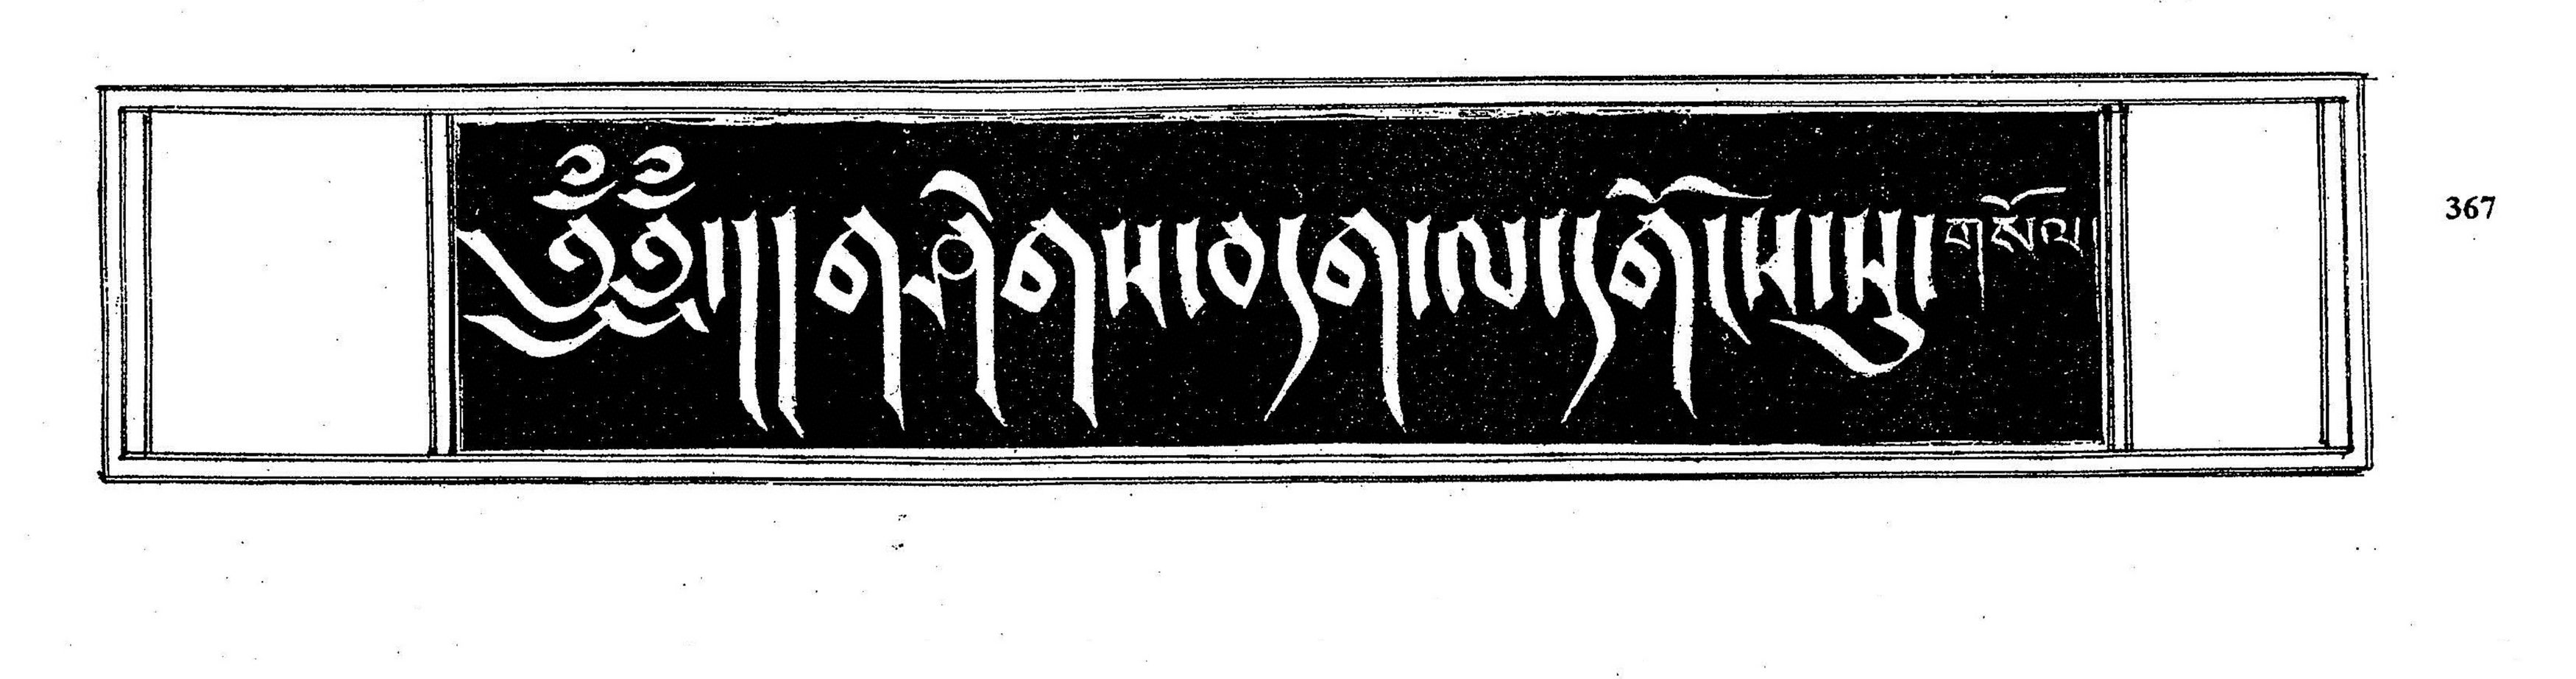༄༅།། གཤེགས་བདག་ལ་དགོངས་སུ་གསོལ།